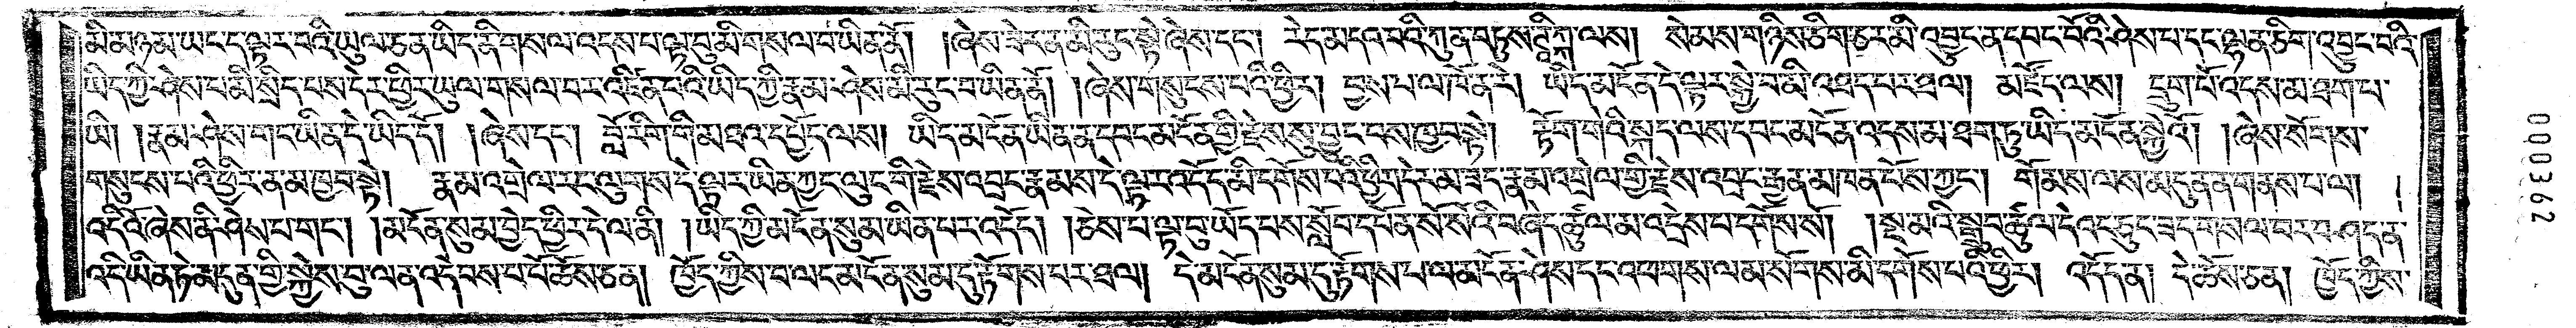མི་མཉམ་ཡང་ད་ལྟར་བའི་ཡུལ་ཅན་ཡིད་ནི་གསལ་འདས་པ་ལྟ་བུ་མི་གསལ་བ་ཡིན་ནོ། །ཞེས་ཟེར་ན་མི་རུང་སྟེ་ཞེས་དང་། རེད་མདའ་བའི་ཀུན་བཏུས་ཊཱིཀྐ་ལས། སེམས་གཉིས་ཅིག་ཅར་མི་འབྱུང་ན་དབང་པོའི་ཤེས་པ་དང་ལྷན་ཅིག་འབྱུང་བའི་
ཡིད་ཀྱི་ཤེས་པ་མི་སྲིད་པས་དེར་ཕྱིར་ཡུལ་གསལ་བར་འཛིན་པའི་ཡིད་ཀྱི་རྣམ་ཤེས་མ་རུང་བ་ཡིན་ནོ། །ཞེས་གསུངས་པའི་ཕྱིར། བྱས་པ་ལ་ཁོ་ན་རེ། ཡིད་མངོན་དེ་ལྟར་སྐྱེ་བ་མི་འཐད་པར་ཐལ། མཛོད་ལས། དྲུག་པོ་འདས་མ་ཐག་པ་
ཡི། །རྣམ་ཤེས་གང་ཡིན་དེ་ཡིད་དོ། །ཞེས་དང་། བློ་རིག་གི་མཐའ་དཔྱོད་ལས། ཡིད་མངོན་ཡིན་ན་དབང་མངོན་གྱི་རྗེས་སུ་བྱུང་བས་ཁྱབ་སྟེ། རྟོག་གེའི་སྐད་ལས་དབང་མངོན་འདས་མ་ཐག་ཏུ་ཡིད་མངོན་སྐྱེའོ། །ཞེས་སོགས་
གསུངས་པའི་ཕྱིར་ན་མ་ཁྱབ་སྟེ། རྣམ་འགྲེལ་རང་ལུགས་དེ་ལྟར་ཡིན་ཀྱང་ལུང་གི་རྗེས་འབྲང་རྣམས་དེ་ལྟར་འདོད་མི་དགོས་པའི་ཕྱིར། དེར་མ་ཟད་རྣམ་འགྲེལ་གྱི་རྗེས་འབྲང་རྒྱན་མཁན་པོས་ཀྱང་། གོམས་ལས་མདུན་ན་གནས་པ་ལ། །
འདིའོ་ཞེས་ནི་ཤེས་པ་གང་། །མངོན་སུམ་བྱེད་ཕྱིར་དེ་ལ་ནི། །ཡིད་ཀྱི་མངོན་སུམ་ཡིན་པར་འདོད། །ཅེས་པ་ལྟ་བུ་ཡོད་པས་སློབ་དཔོན་སོ་སོའི་བཞེད་ཚུལ་མ་འདྲེས་པ་དགོས་སོ། །སྔ་མའི་སྒྲུབ་ཚུལ་དེའང་ཅུང་ཟད་གསལ་བར་བཤད་ན་
འདི་ཡིན་ཏེ་མདུན་གྱི་སྐྱེས་བུ་ལན་འདེབས་པ་པོ་ཆོས་ཅན། ཁྱོད་ཀྱིས་བ་ལང་མངོན་སུམ་དུ་རྟོགས་པར་ཐལ། དེ་མངོན་སུམ་དུ་རྟོགས་པ་ལ་མངོན་ཤེས་དང་འཕགས་ལམ་སོགས་མི་དགོས་པའི་ཕྱིར། འདོད་ན། དེ་ཆོས་ཅན། ཁྱོད་ཀྱིས་